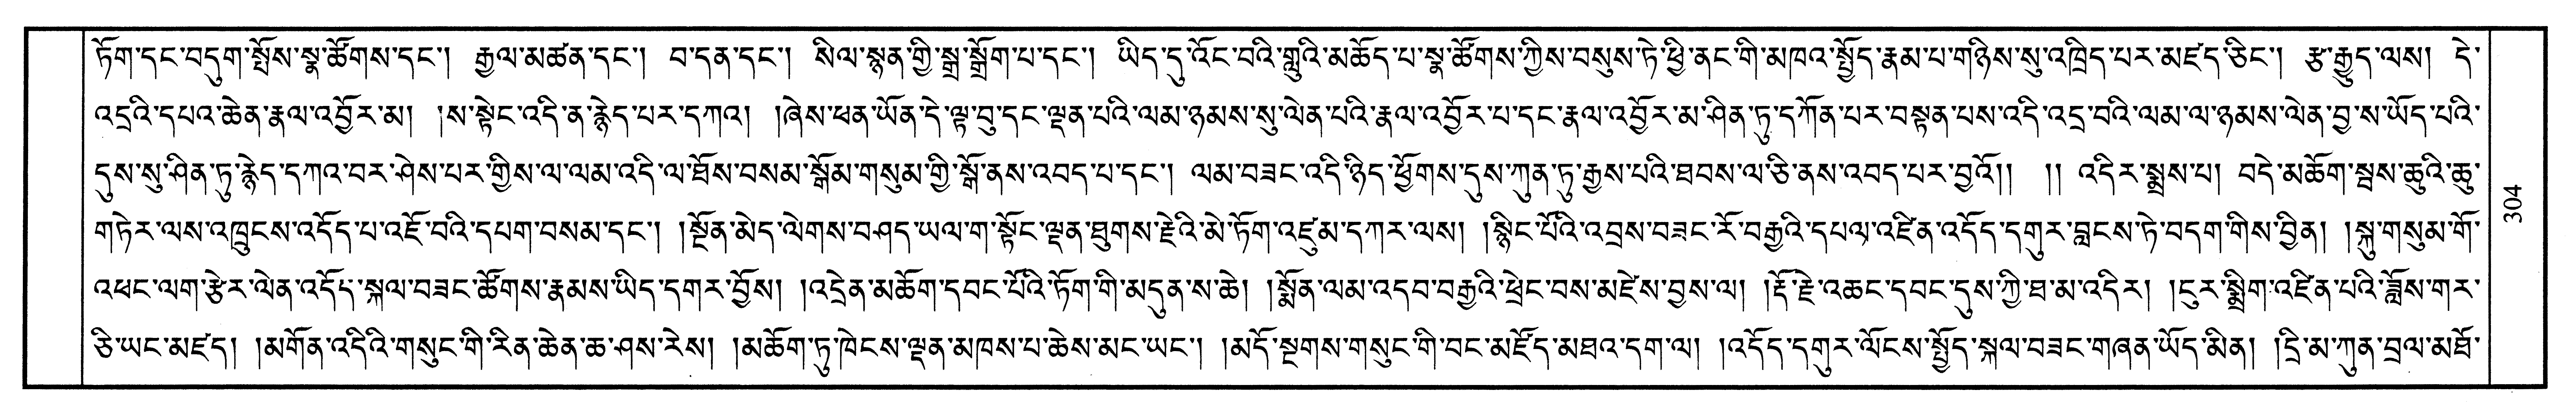ཏོག་དང་བདུག་སྤོས་སྣ་ཚོགས་དང་། རྒྱལ་མཚན་དང་། བ་དན་དང་། སིལ་སྙན་གྱི་སྒྲ་སྒྲོག་པ་དང་། ཡིད་དུ་འོང་བའི་གླུའི་མཆོད་པ་སྣ་ཚོགས་ཀྱིས་བསུས་ཏེ་ཕྱི་ནང་གི་མཁའ་སྤྱོད་རྣམ་པ་གཉིས་སུ་འཁྲིད་པར་མཛད་ཅིང་། རྩ་རྒྱུད་ལས། དེ་
འདྲའི་དཔའ་ཆེན་རྣལ་འབྱོར་མ། །ས་སྟེང་འདི་ན་རྙེད་པར་དཀའ། །ཞེས་ཕན་ཡོན་དེ་ལྟ་བུ་དང་ལྡན་པའི་ལམ་ཉམས་སུ་ལེན་པའི་རྣལ་འབྱོར་པ་དང་རྣལ་འབྱོར་མ་ཤིན་ཏུ་དཀོན་པར་བསྟན་པས་འདི་འདྲ་བའི་ལམ་ལ་ཉམས་ལེན་བྱ་ས་ཡོད་པའི་
དུས་སུ་ཤིན་ཏུ་རྙེད་དཀའ་བར་ཤེས་པར་གྱིས་ལ་ལམ་འདི་ལ་ཐོས་བསམ་སྒོམ་གསུམ་གྱི་སྒོ་ནས་འབད་པ་དང་། ལམ་བཟང་འདི་ཉིད་ཕྱོགས་དུས་ཀུན་ཏུ་རྒྱས་པའི་ཐབས་ལ་ཅི་ནས་འབད་པར་བྱའོ།། །།འདིར་སྨྲས་པ། བདེ་མཆོག་སྦས་ཆུའི་ཆུ་
གཏེར་ལས་འཁྲུངས་འདོད་པ་འཇོ་བའི་དཔག་བསམ་དང་། །སྔོན་མེད་ལེགས་ཤད་ཡལ་ག་སྟོང་ལྡན་ཐུགས་རྗེའི་མེ་ཏོག་འཛུམ་དཀར་ལས། །སྙིང་པོའི་འབྲས་བཟང་རོ་བརྒྱའི་དཔལ་འཛིན་འདོད་དགུར་བླངས་ཏེ་བདག་གིས་བྱིན། །སྐུ་གསུམ་གོ་
འཕང་ལག་རྩེར་ལེན་འདོད་སྐལ་བཟང་ཚོགས་རྣམས་ཡིད་དགར་བྱོས། །འདྲེན་མཆོག་དབང་པོའི་ཏོག་གི་མདུན་ས་ཆེ། །སྨོན་ལམ་འདབ་བརྒྱའི་ཕྲེང་བས་མཛེས་བྱས་ལ། །རྡོ་རྗེ་འཆང་དབང་དུས་ཀྱི་ཐ་མ་འདིར། །ངུར་སྨྲིག་འཛིན་པའི་ཟློས་གར་
ཅི་ཡང་མཛད། །མགོན་འདིའི་གསུང་གི་རིན་ཆེན་ཆ་ཤས་རེས། །མཆོག་ཏུ་ཁེངས་ལྡན་མཁས་པ་ཆེས་མང་ཡང་། །མདོ་སྔགས་གསུང་གི་བང་མཛོད་མཐའ་དག་ལ། །འདོད་དགུར་ལོངས་སྤྱོད་སྐལ་བཟང་གཞན་ཡོད་མིན། །དྲི་མ་ཀུན་བྲལ་མཐོ་